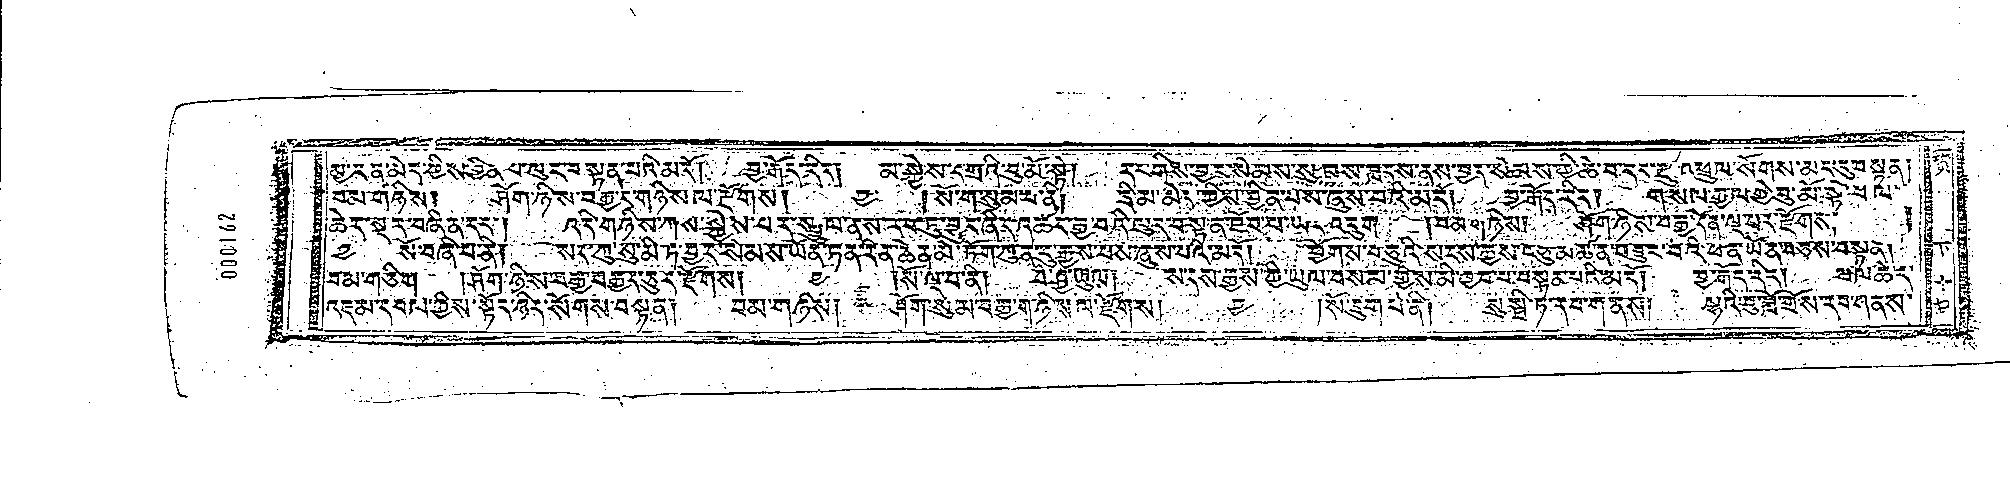མྱ་ངན་མེད་ཀྱིས་བྱིན་པ་ལུང་བསྟན་པའི་མདོ། བྱ་རྒོད་རིང་། མ་སྐྱེས་དགྲའི་བུ་མོ་སྟེ། རང་གིས་བྱང་སེམས་སུ་ཁས་བླངས་ནས་བྱང་སེམས་ཀྱི་ཆེ་བ་དང་རྫུ་འཕྲུལ་སོགས་མང་དུ་བསྟན།
བམ་གཉིས། ཤོག་ཉིས་བརྒྱ་ང་གཉིས་ལ་རྫོགས། ༧་།སོ་གསུམ་པ་ནི། དྲི་མ་མེད་ཀྱིས་བྱིན་པས་ཞུས་པའི་མདོ། བྱ་རྒོད་རིང་། གསལ་རྒྱལ་གྱི་བུ་མོ་སྟེ་ཕལ་
ཆེར་སྔར་བཞིན་དང་། འདི་གཉིས་ཀས་སྐྱེས་པར་སྤྲུལ་ནས་རབ་ཏུ་བྱུང་ཞིང་འཚང་རྒྱ་བའི་ལུང་བསྟན་ཐོབ་པ་ཡང་འདུག །བམ་གཉིས། ཤོག་ཉིས་བརྒྱ་དོན་ལྔ་པར་རྫོགས། །
༧་སོ་བཞི་པ་ནི། སང་ཀུ་སུ་མི་ཏ་བྱང་སེམས་ཡོན་ཏན་རིན་ཆེན་མེ་ཏོག་ཀུན་དུ་རྒྱས་པས་ཞུས་པའི་མདོ། ཕྱོགས་བཅུའི་སངས་རྒྱས་བཅུ་མཚན་བཟུང་བའི་ཕན་ཡོན་བཅས་བསྟན།
བམ་གཅིག །ཤོག་ཉིས་བརྒྱ་བརྒྱད་ཅུར་རྫོགས། ༧་།སོ་ལྔ་པ་ནི། བཻ་ཤྱ་ཡུལ། སངས་རྒྱས་ཀྱི་ཡུལ་བསམ་གྱིས་མི་ཁྱབ་པ་བསྟན་པའི་མདོ། བྱ་རྒོད་རིར། ཕལ་ཆེར་
འཇམ་དཔལ་གྱིས་སྟོང་ཉིད་སོགས་བསྟན། བམ་གཉིས། ཤོག་སུམ་བརྒྱ་གཉིས་ལ་རྫོགས། ༧་།སོ་དྲུག་པ་ནི། སུསྠི་ཏ་རབ་གནས། ལྷའི་བུ་བློ་གྲོས་རབ་གནས་